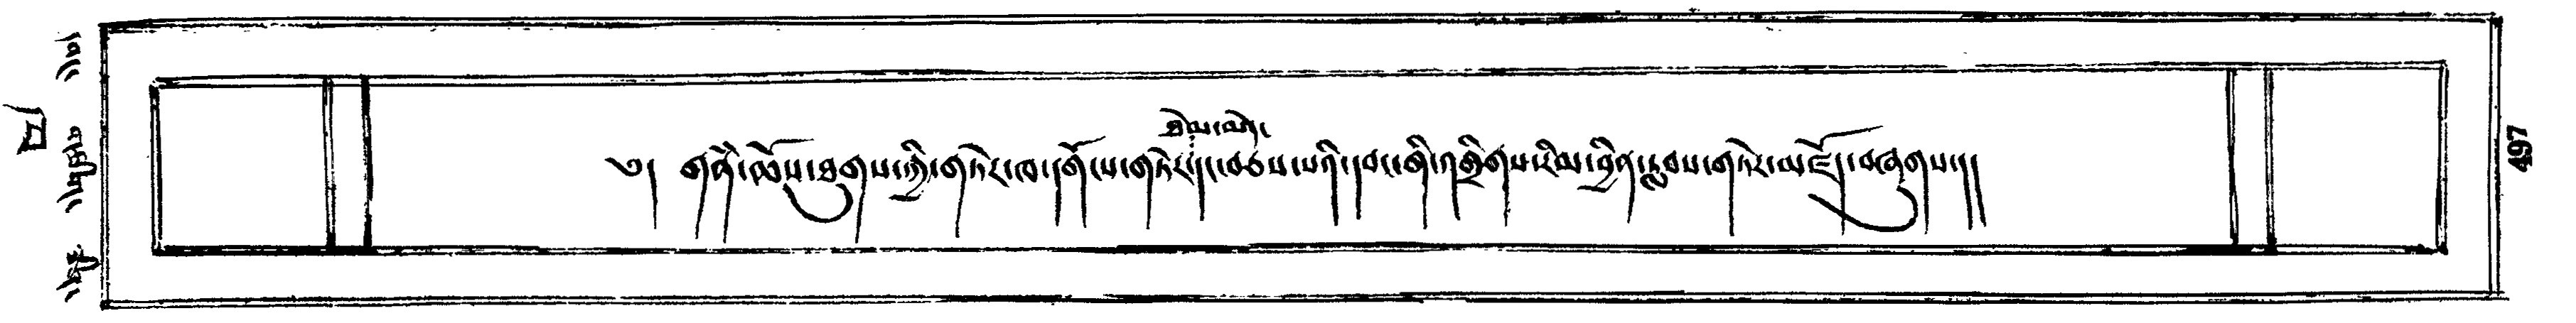གནམ་ཆོས་ཐུགས་ཀྱི་གཏེར་ཁ་དགོངས་གཏེར་ཐེམ་མེད་དང་བཅས་པའི་དབང་གི་འགྲིགས་རིམ་བྱིན་རླབས་གཏེར་མཛོད་བཞུགས།།